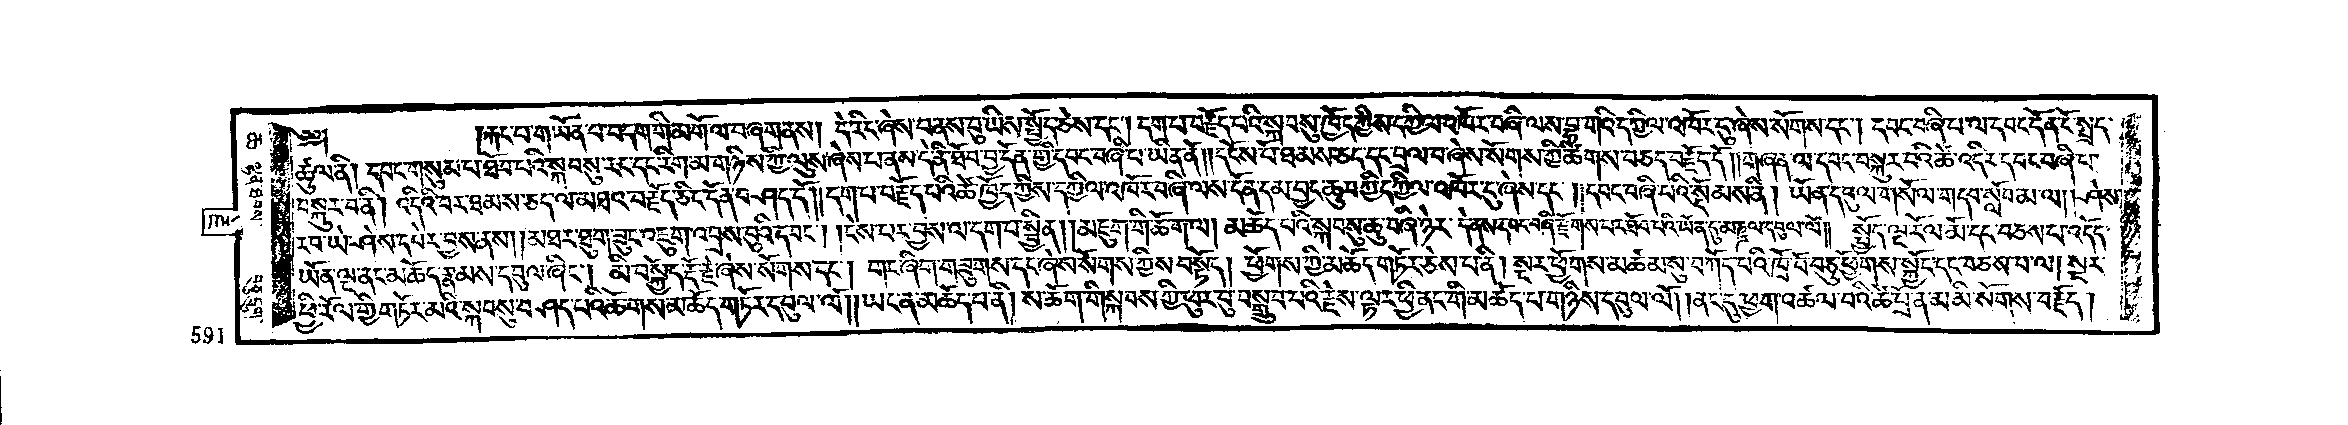༄༅། །རྐང་པ་གཡོན་པ་བདག་གི་མགོལ་བཞག་ནས། དེ་རིང་ཞེས་པ་ནས་བུ་ཡིས་སྤྱོད་ཅེས་དང་། དག་པ་བརྗོད་པའི་སྐབས་སུ་ཁྱོད་ཀྱིས་དཀྱིལ་འཁོར་བཞི་ལས་བྷ་གའི་དཀྱིལ་འཁོར་དུ་ཞེས་སོགས་དང་། དབང་བཞི་པ་ལ་དབང་དོན་ངོ་སྤྲད་
ཚུལ་ནི། དབང་གསུམ་པ་ཐོབ་པའི་སྐབས་སུ་རང་དང་རིག་མ་གཉིས་ཀྱི་ལུས་ཞེས་པ་ནས་དེ་ནི་ཐོབ་བྱ་དོན་གྱི་དབང་བཞི་པ་ཡིན་ནོ། །དངོས་པོ་ཐམས་ཅད་དང་བྲལ་བ་ཞེས་སོགས་ཀྱི་ཚིགས་བཅད་བརྗོད་དོ། །གཞན་ལ་དབང་བསྐུར་བའི་ཚེ་འདིར་དབང་བཞི་པ་
བསྐུར་བ་ནི། འདིའི་བར་ཐམས་ཅད་ལ་མཐའ་བརྗོད་ཅིང་དོན་བཤད་དོ། །དག་པ་བརྗོད་པའི་ཚེ་ཁྱོད་ཀྱིས་དཀྱིལ་འཁོར་བཞི་ལས་དོན་དམ་བྱང་ཆུབ་ཀྱི་དཀྱིལ་འཁོར་དུ་ཞེས་དང་། དབང་བཞི་པའི་སྡོམས་ནི། ཡོན་དབུལ་གསོལ་གདབ་སློབ་མ་ལ། །ཤེས་
རབ་ཡེ་ཤེས་དཔེར་བྱས་ནས། །མཐར་ཐུག་ཟུང་འཇུག་འབྲས་བུའི་དབང་། །ངེས་པར་བྱས་ལ་དག་པ་སྦྱིན། །མཇུག་གི་ཆོ་ག་ལ། མཆོད་པའི་སྐབས་སུ་ཆུ་བཞི་ཉེར་དེ་ནས་དབང་བཞི་རྫོགས་པར་ཐོབ་པའི་ཡོན་དུ་མཎྜལ་དབུལ་ལོ། །སྤྱོད་ལྔ་རོལ་མོ་དང་བཅས་པ་འདོད་
ཡོན་ལྔ་ནང་མཆོད་རྣམས་དབུལ་ཞིང་། མི་བསྐྱོད་རྡོ་རྗེ་ཞེས་སོགས་དང་། གང་ཞིག་གཟུགས་དང་ཞེས་སོགས་ཀྱིས་བསྟོད། ཕྱོགས་ཀྱི་མཆོད་གཏོར་ཅེས་པ་ནི། སྔར་ཕྱོགས་མཚམས་སུ་བཀོད་པའི་ཁྲོ་བོ་བཅུ་ཕྱོགས་སྐྱོང་དང་བཅས་པ་ལ། སྔར་
ཕྱི་རོལ་གྱི་གཏོར་མའི་སྐབས་སུ་བཤད་པའི་ཆོ་གས་མཆོད་གཏོར་དབུལ་ལོ། །ཡང་ན་མཆོད་པ་ནི། ས་ཆོག་གི་སྐབས་ཀྱི་ཕུར་བུ་བསྒྲུབ་པའི་རྗེས་ལྟར་ཕྱི་ནང་གི་མཆོད་པ་གཉིས་དབུལ་ལོ། །ནང་དུ་ཕྱག་འཚལ་བའི་ཚེ་པྲ་ན་མ་མི་སོགས་བརྗོད།